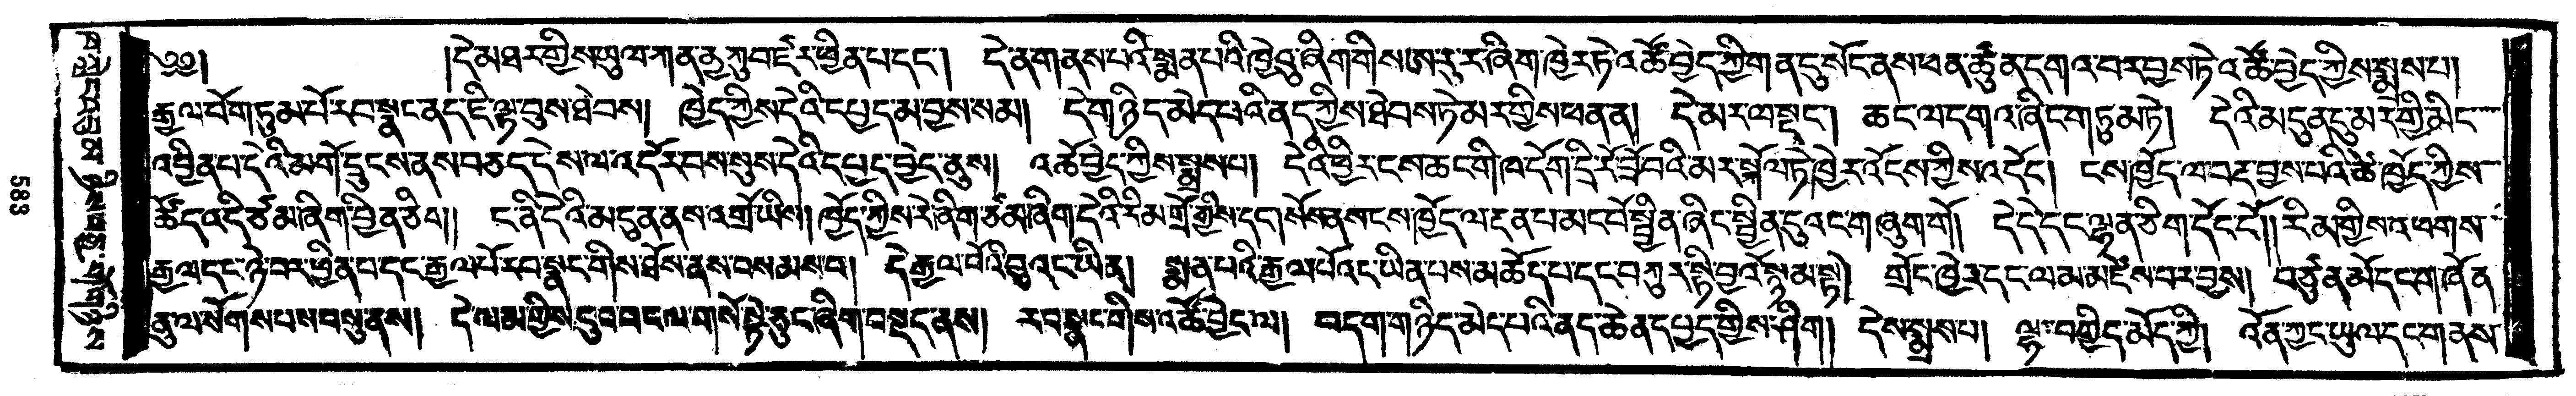༄༅། །དེ་མཐར་གྱིས་ཡུལ་ཀན་ཉ་ཀུ་བཛྲ་ཕྱིན་པ་དང་། དེ་ན་གནས་པའི་སྨན་པའི་ཁྱེའུ་ཞིག་གིས་ཨ་རུ་ར་ཞིག་ཁྱེར་ཏེ་འཚོ་བྱེད་ཀྱི་གན་དུ་སོང་ནས་ཕན་ཚུན་དགའ་བར་བྱས་ཏེ་འཚོ་བྱད་ཀྱིས་སྨྲས་པ།
རྒྱལ་པོ་གཏུམ་པོ་རབ་སྣང་ནད་ཇི་ལྟ་བུས་ཐེབས། ཁྱེད་ཀྱིས་དེའི་དཔྱད་མ་བྱས་སམ། དེ་གཉིད་མེད་པའི་ནད་ཀྱིས་ཐེབས་ཏེ་མར་གྱིས་ཕན་ན། དེ་མར་ལ་སྡང་། ཆང་ལ་དགའ་ཞིང་གཏུམ་ཏེ། དེའི་མདུན་དུ་མར་གྱི་མིང་
འབྱིན་པ་དེའི་མགོ་དྲུངས་ནས་བཅད་དེ་ས་ལ་འདོར་བས་སུས་དེའི་དཔྱད་བྱེད་ནུས། འཚོ་བྱེད་ཀྱིས་སྨྲས་པ། དེའི་ཕྱིར་ངས་ཆང་གི་ཁ་དོག་དྲི་རོ་བྲོ་བའི་མར་སྐོལ་ཏེ་ཁྱེར་འོངས་ཀྱིས་འདོང་། ངས་ཁྱོད་ལ་བརྡ་བྱས་པའི་ཚེ་ཁྱོད་ཀྱིས་
ཚོད་འདི་ཙམ་ཞིག་བྱིན་ཅིག། ང་ནི་དེའི་མདུན་ནས་འགྲོ་ཡིས། ཁྱོད་ཀྱིས་རེ་ཞིག་ཙམ་ཞིག་དེའི་རིམ་གྲོ་ཀྱིས་དང་། སོས་ནས་ངས་ཁྱོད་ལ་རྡན་པ་མང་པོ་སྦྱིན་ཞིང་སྦྱིན་དུའང་གཞུག་གོ། དེ་དེ་དང་ལྷན་ཅིག་དོང་ངོ།། རིམ་གྱིས་འཕགས་
རྒྱལ་དང་ཉེ་བར་ཕྱིན་པ་དང་རྒྱལ་པོ་རབ་སྣང་གིས་ཐོས་ནས་བསམས་པ། དེ་རྒྱལ་པོའི་བུའང་ཡིན། སྨན་པའི་རྒྱལ་པོའང་ཡིན་པས་མཆོད་པ་དང་བཀུར་སྟི་བྱའོ་སྙམ་སྟེ། གྲོང་ཁྱེར་དང་ལམ་མཛེས་པར་བྱས། བཙུན་མོ་དང་གཞོན་
ནུ་ལ་སོགས་པས་བསུ་ནས། དེ་ལམ་གྱིས་དུ་བ་བྔལ་གསོ་སྟེ་ཆུང་ཞིག་བསྡད་ནས། རབ་སྣང་གིས་འཚོ་བྱེད་ལ། བདག་གཉིད་མེད་པའི་ནད་ཆེན་དཔྱད་གྱིས་ཤིག། དེས་སྨྲས་པ། ལྷ་བགྱིད་མོད་ཀྱི། འོན་ཀྱང་ཡུལ་དང་གནས་